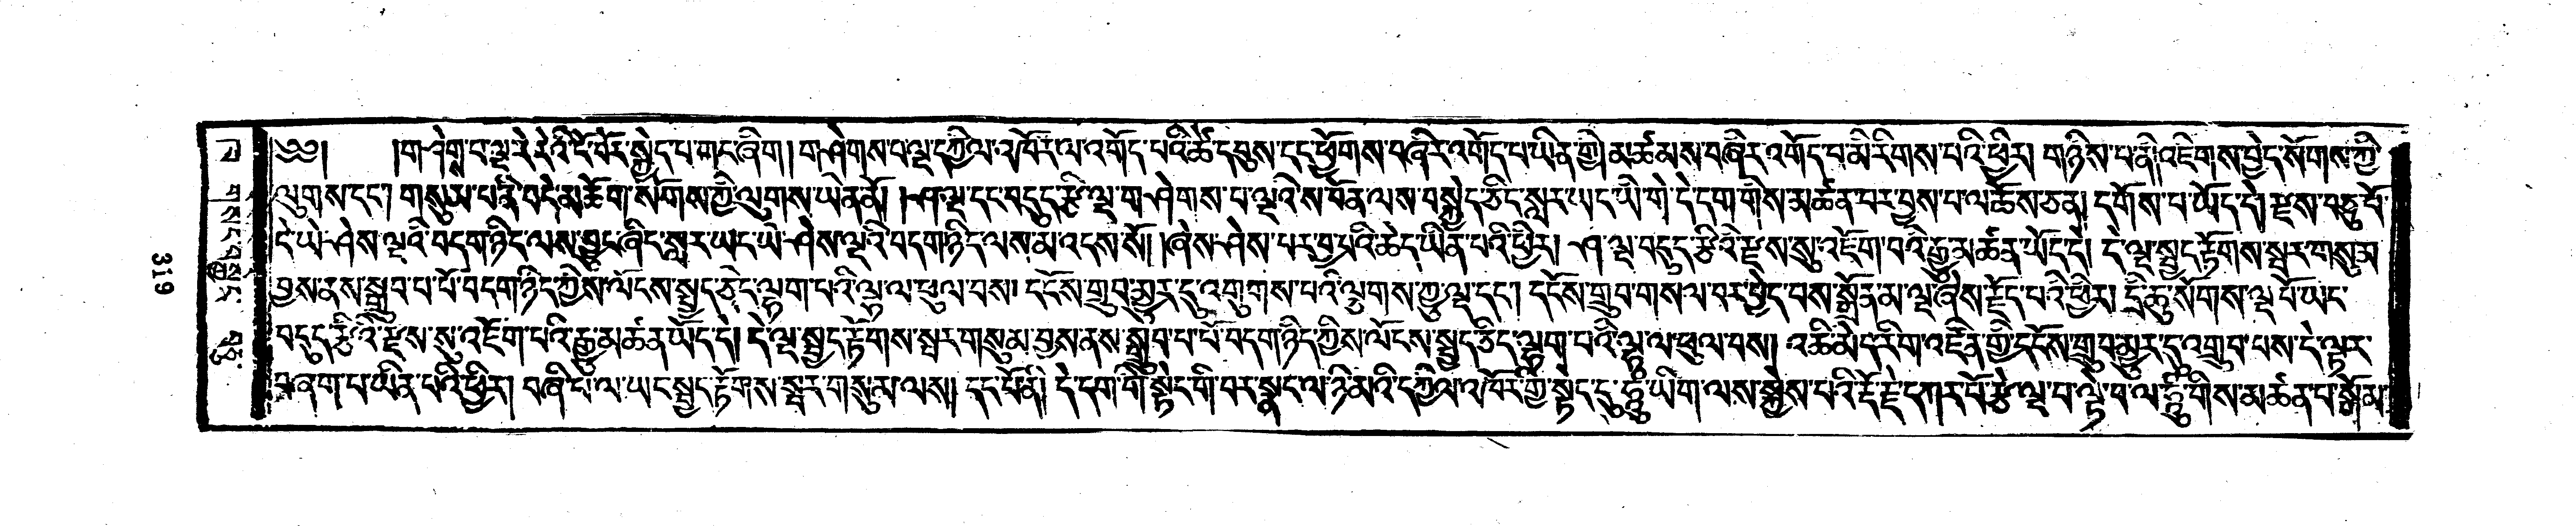༄༅། །གཤེགས་པ་ལྔ་རེ་རེའི་ངོ་བོར་སྐྱེད་པ་གང་ཞིག །གཤེགས་པ་ལྔ་དཀྱིལ་འཁོར་ལ་འགོད་པའི་ཚེ་དབུས་དང་ཕྱོགས་བཞིར་འགོད་པ་ཡིན་གྱི། མཚམས་བཞིར་འགོད་པ་མི་རིགས་པའི་ཕྱིར། གཉིས་པ་ནི། འཇིགས་བྱེད་སོགས་ཀྱི་
ལུགས་དང་། གསུམ་པ་ནི་བདེ་མཆོག་སོགས་ཀྱི་ལུགས་ཡིན་ནོ། །ཤ་ལྔ་དང་བདུད་རྩི་ལྔ་གཤེགས་པ་ལྔའི་ས་བོན་ལས་བསྐྱེད་ཅིང་སླར་ཡང་ཡི་གེ་དེ་དག་གིས་མཚན་པར་བྱས་པ་ལ་ཆོས་ཅན། དགོས་པ་ཡོད་དེ། རྫས་བཅུ་པོ་
དེ་ཡེ་ཤེས་ལྔའི་བདག་ཉིད་ལས་བྱུང་ཞིང་སླར་ཡང་ཡེ་ཤེས་ལྔའི་བདག་ཉིད་ལས་མ་འདས་སོ། །ཞེས་ཤེས་པར་བྱ་བའི་ཆེད་ཡིན་པའི་ཕྱིར། ཤ་ལྔ་བདུད་རྩིའི་རྫས་སུ་འཇོག་པའི་རྒྱུ་མཚན་ཡོད་དེ། དེ་ལྔ་སྦྱང་རྟོགས་སྦར་གསུམ་
བྱས་ནས་སྒྲུབ་པ་པོ་བདག་ཉིད་ཀྱིས་ལོངས་སྤྱད་ཅིང་ལྷག་པའི་ལྷ་ལ་ཕུལ་བས། དངོས་གྲུབ་མྱུར་དུ་འགུགས་པའི་ལྕགས་ཀྱུ་ལྔ་དང་། དངོས་གྲུབ་གསལ་བར་བྱེད་པས་སྒྲོན་མ་ལྔ་ཞེས་རྗོད་པའི་ཕྱིར། དྲི་ཆུ་སོགས་ལྔ་པོ་ཡང་
བདུད་རྩིའི་རྫས་སུ་འཇོག་པའི་རྒྱུ་མཚན་ཡོད་དེ། དེ་ལྔ་སྦྱང་རྟོགས་སྦར་གསུམ་བྱས་ནས་སྒྲུབ་པ་པོ་བདག་ཉིད་ཀྱིས་ལོངས་སྤྱད་ཅིང་ལྷག་པའི་ལྷ་ལ་ཕུལ་བས། འཆི་མེད་རིག་འཛིན་གྱི་དངོས་གྲུབ་མྱུར་དུ་འགྲུབ་པས་དེ་ལྟར་
བཞག་པ་ཡིན་པའི་ཕྱིར། བཞི་པ་ལ་ཡང་སྦྱང་རྟོགས་སྦར་གསུམ་ལས། དང་པོ་ནི། དེ་དག་གི་སྟེང་གི་བར་སྣང་ལ་ཉི་མའི་དཀྱིལ་འཁོར་གྱི་སྟེང་དུ་ཧཱུཾ་ཡིག་ལས་སྐྱེས་པའི་རྡོ་རྗེ་དཀར་པོ་རྩེ་ལྔ་བ་ལྟེ་བ་ལ་ཧཱུཾ་གིས་མཚན་པ་སྒོམ་